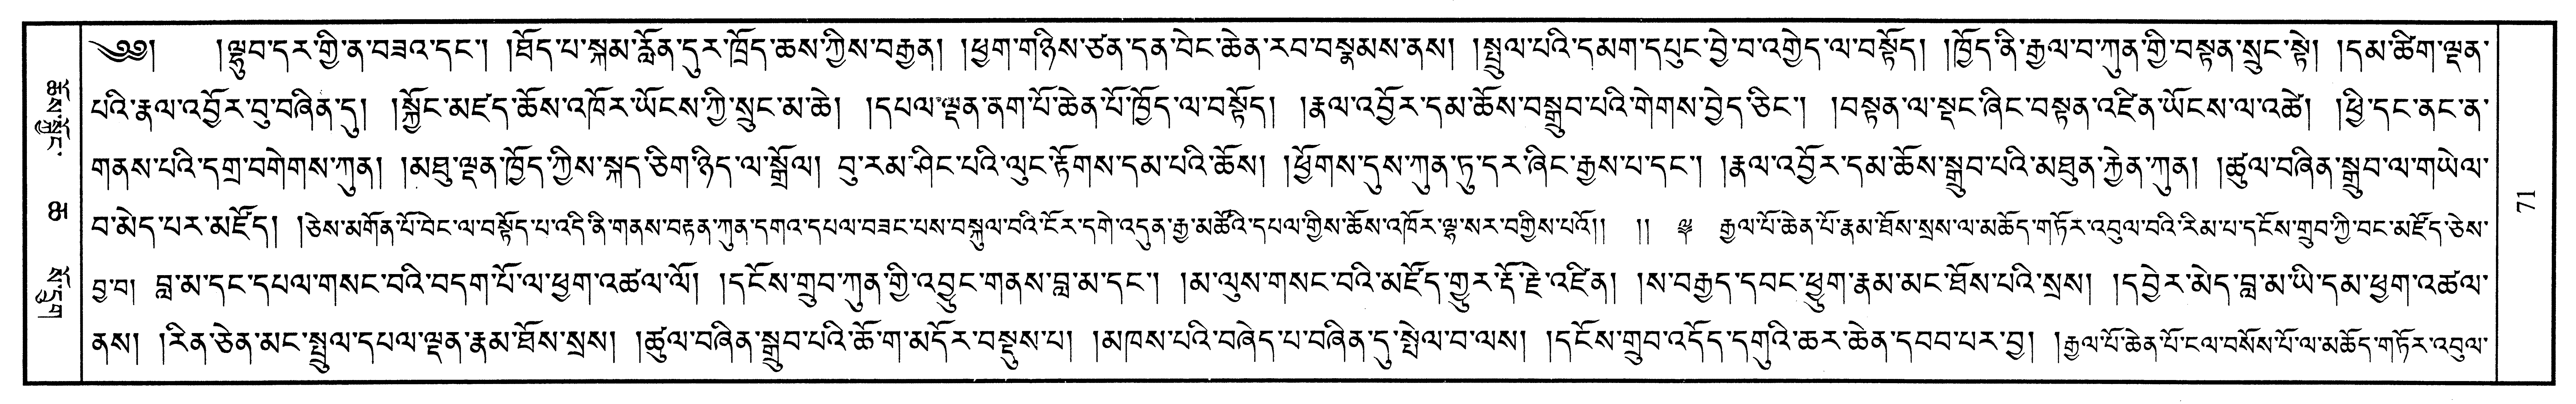༄༅། །ལྷུབ་དར་གྱི་ན་བཟའ་དང་། །ཐོད་པ་སྐམ་རློན་དུར་ཁྲོད་ཆས་ཀྱིས་བརྒྱན། །ཕྱག་གཉིས་ཙན་དན་བེང་ཆེན་རབ་བསྣམས་ནས། །སྤྲུལ་པའི་དམག་དཔུང་བྱེ་བ་འགྱེད་ལ་བསྟོད། །ཁྱོད་ནི་རྒྱལ་བ་ཀུན་གྱི་བསྟན་སྲུང་སྟེ། །དམ་ཚིག་ལྡན་
པའི་རྣལ་འབྱོར་བུ་བཞིན་དུ། །སྐྱོང་མཛད་ཆོས་འཁོར་ཡོངས་ཀྱི་སྲུང་མ་ཆེ། །དཔལ་ལྡན་ནག་པོ་ཆེན་པོ་ཁྱོད་ལ་བསྟོད། །རྣལ་འབྱོར་དམ་ཆོས་བསྒྲུབ་པའི་གེགས་བྱེད་ཅིང་། །བསྟན་ལ་སྡང་ཞིང་བསྟན་འཛིན་ཡོངས་ལ་འཚེ། །ཕྱི་དང་ནང་ན་
གནས་པའི་དགྲ་བགེགས་ཀུན། །མཐུ་ལྡན་ཁྱོད་ཀྱིས་སྐད་ཅིག་ཉིད་ལ་སྒྲོལ། བུ་རམ་ཤིང་པའི་ལུང་རྟོགས་དམ་པའི་ཆོས། །ཕྱོགས་དུས་ཀུན་ཏུ་དར་ཞིང་རྒྱས་པ་དང་། །རྣལ་འབྱོར་དམ་ཆོས་སྒྲུབ་པའི་མཐུན་རྐྱེན་ཀུན། །ཚུལ་བཞིན་སྒྲུབ་ལ་གཡེལ་
བ་མེད་པར་མཛོད། །ཅེས་མགོན་པོ་བེང་ལ་བསྟོད་པ་འདི་ནི་གནས་བརྟན་ཀུན་དགའ་དཔལ་བཟང་པས་བསྐུལ་བའི་ངོར་དགེ་འདུན་རྒྱ་མཚོའི་དཔལ་གྱིས་ཆོས་འཁོར་ལྷ་སར་བགྱིས་པའོ།། །། ༈ རྒྱལ་པོ་ཆེན་པོ་རྣམ་ཐོས་སྲས་ལ་མཆོད་གཏོར་འབུལ་བའི་རིམ་པ་དངོས་གྲུབ་ཀྱི་བང་མཛོད་ཅེས་
བྱ་བ། བླ་མ་དང་དཔལ་གསང་བའི་བདག་པོ་ལ་ཕྱག་འཚལ་ལོ། །དངོས་གྲུབ་ཀུན་གྱི་འབྱུང་གནས་བླ་མ་དང་། །མ་ལུས་གསང་བའི་མཛོད་གྱུར་རྡོ་རྗེ་འཛིན། །ས་བརྒྱད་དབང་ཕྱུག་རྣམ་མང་ཐོས་པའི་སྲས། །དབྱེར་མེད་བླ་མ་ཡི་དམ་ཕྱག་འཚལ་
ནས། །རིན་ཅེན་མང་སྤྲུལ་དཔལ་ལྡན་རྣམ་ཐོས་སྲས། །ཚུལ་བཞིན་སྒྲུབ་པའི་ཆོ་ག་མདོར་བསྡུས་པ། །མཁས་པའི་བཞེད་པ་བཞིན་དུ་སྤེལ་བ་ལས། །དངོས་གྲུབ་འདོད་དགུའི་ཆར་ཆེན་དབབ་པར་བྱ། །རྒྱལ་པོ་ཆེན་པོ་ངལ་བསོས་པོ་ལ་མཆོད་གཏོར་འབུལ་